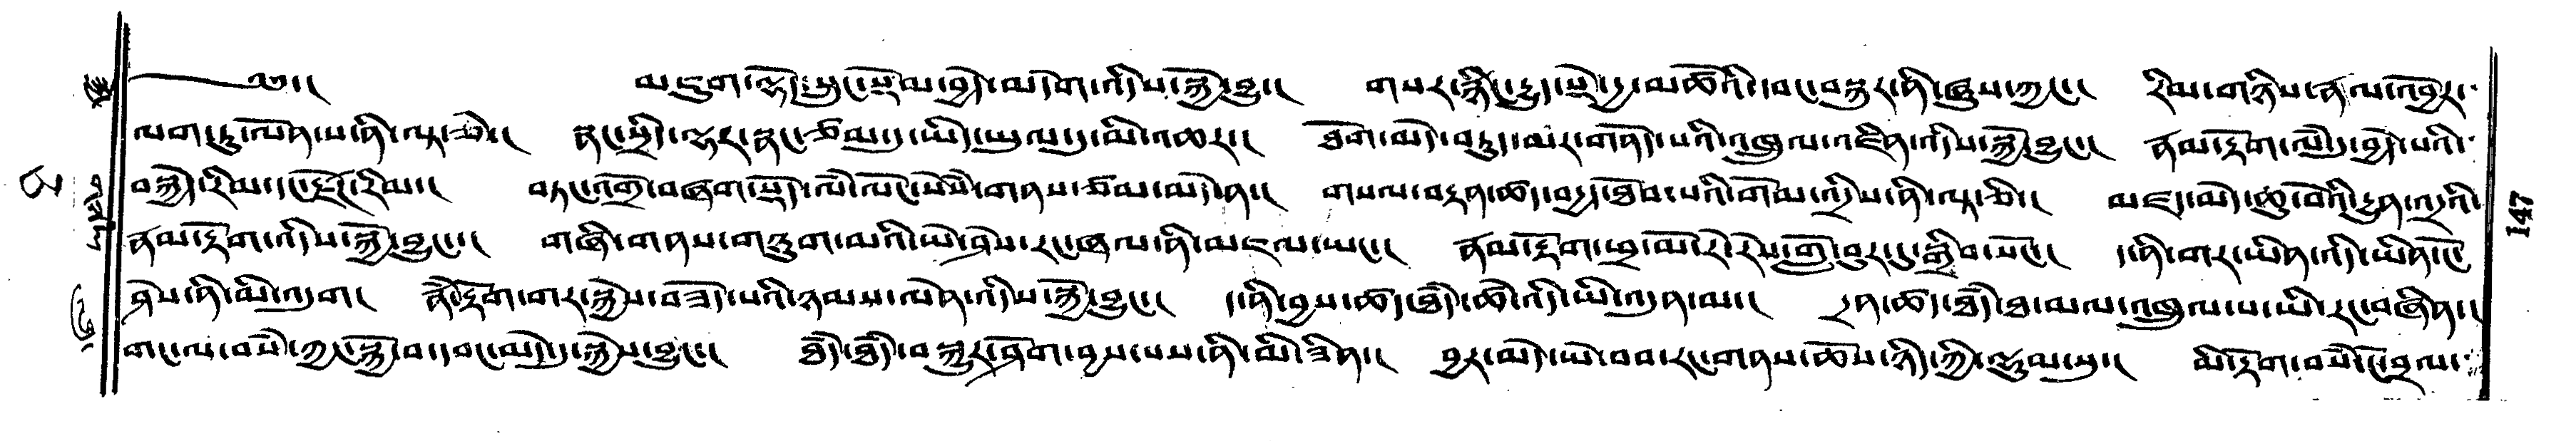མཇུག་ལྷོད་སྲུང་སྡོམ་བྱེད་མདོག་འདིས་སྐྱོ་བྱུང་། །གསར་རྙིང་རྒྱུད་སྡེ་རྒྱ་མཚོའི་དབང་བསྐུར་ནི་ཞུས་ཀྱང་། །རིམ་གཉིས་རྣལ་འབྱོར་
ལག་ཏུ་ལོན་པ་ནི་ལྟ་ཅི། །སྣང་སྲིད་ལྷར་སྣང་ཙམ་ཡང་ཡིད་ཡུལ་དུ་མི་འཆར། །ཐོག་མེད་བཏུད་མར་གནོད་པའི་འཁྲུལ་འཛིན་འདིས་སྐྱོ་བྱུང་། །རྣམ་རྟོག་ལམ་དུ་བྱེད་པའི་
བསྐྱེད་རིམ་དང་རྫོགས་རིམ། །བཏང་འགྲོ་བཞག་སྡོད་ལམ་ལོངས་སེམས་གནས་ཙམ་མེད་ན། །གསལ་བརྟན་ཚད་བརྒྱད་ཐོབ་པའི་གོམ་འདྲིས་ནི་ལྟ་ཅི། །འཛད་མེད་ཆུ་བོའི་རྒྱུན་འདྲའི་
རྣམ་རྟོག་འདིས་སྐྱོ་བྱུང་། །གཞི་གནས་གཉུག་མའི་ཡེ་ཤེས་རང་ཞལ་ནི་མཇལ་ཡང་། །རྣམ་རྟོག་ཕྲ་མོ་རེ་རེས་གློ་བུར་དུ་བསྒྲིབས་སོང་། །ད་ནི་གར་ཡིན་འདི་ཡིན་ངོ་
ཤེས་ནི་མི་འདུག །རྣམ་རྟོག་གར་སྐྱེས་བཟོད་པའི་ཉམས་ལེན་འདིས་སྐྱོ་བྱུང་། །ད་ནི་བྱས་ཚད་ཐམས་ཅད་ཚེ་འདི་ཡི་འདུན་མ། །དྲན་ཚད་ཐམས་ཅད་ཐ་མལ་འཁྲུལ་པ་ཡི་རང་བཞིན། །
གང་ལ་བསམ་ཀྱང་སྐྱོ་བ་དབང་མེད་དུ་སྐྱེས་བྱུང་། །ཐམས་ཅད་ཐམས་ཅད་སྐྱུར་ཤོག་བྱས་པས་ནི་མི་ཟིན། །བྱར་མེད་ཡེ་བབ་རང་གནས་ཆོས་ཉིད་ཀྱི་ལྷུམས་སུ། །མི་རྟོག་བསམ་ངོ་བྲལ་